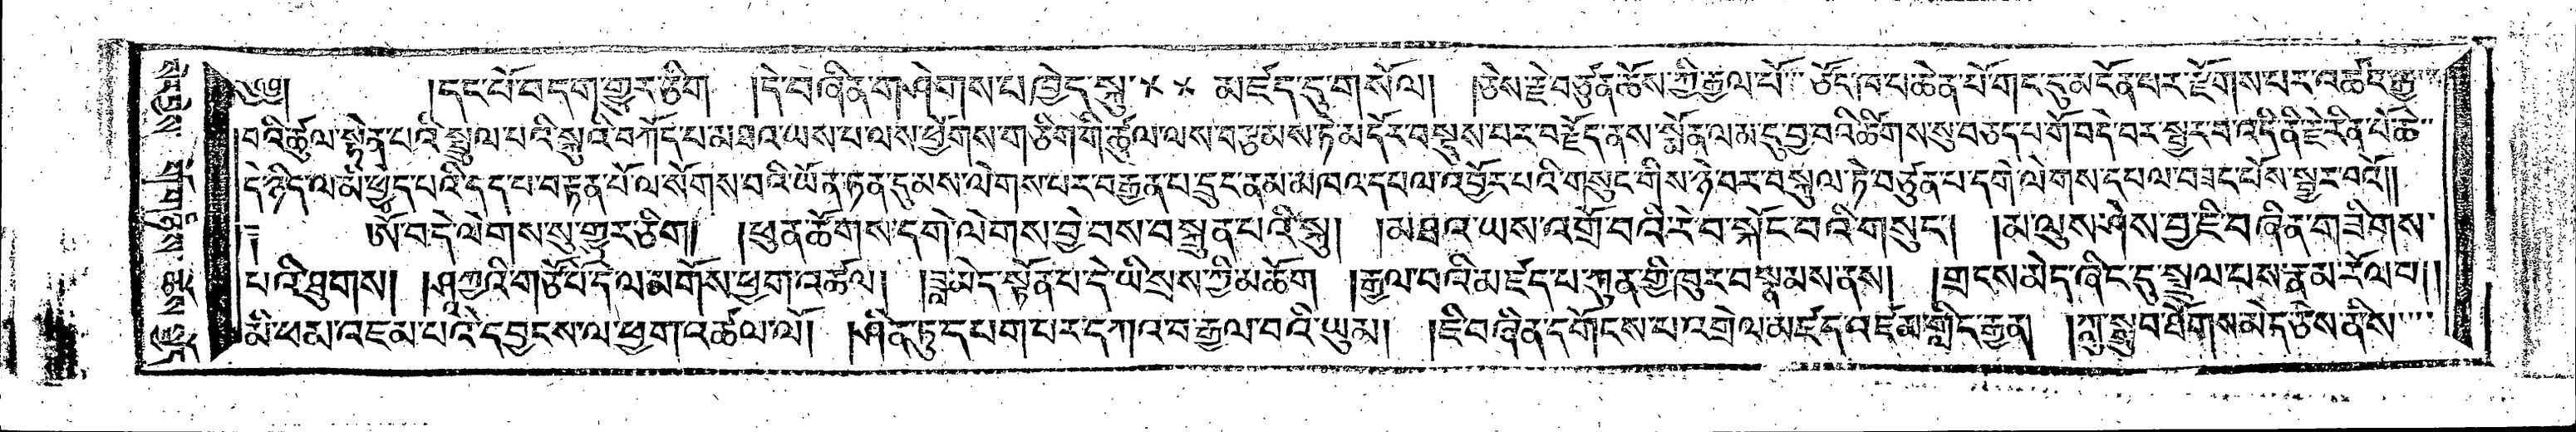༄༅། །དང་པོ་བདག་གྱུར་ཅིག །དེ་བཞིན་གཤེགས་པ་ཁྱེད་སྐུ་{྾}་{྾}་མཛད་དུ་གསོལ། །ཅེས་རྗེ་བཙུན་ཆོས་ཀྱི་རྒྱལ་པོ་ཙོང་ཁ་པ་ཆེན་པོ་གང་དུ་མངོན་པར་རྫོགས་པར་འཚང་རྒྱ་
བའི་ཚུལ་སྟེན་པའི་སྤྲུལ་པའི་སྐུའི་བཀོད་པ་མཐའ་ཡས་པ་ལས་ཕྱོགས་གཅིག་གི་ཚུལ་ལས་བརྩམས་ཏེ་མདོར་བསྡུས་པར་བརྗོད་ནས་སྨོན་ལམ་དུ་བྱ་བའི་ཚིགས་སུ་བཅད་པ་གོ་བདེ་བར་སྦྱར་བ་འདི་ནི་རྗེ་རིན་པོ་ཆེ་
དེ་ཉིད་ལ་མི་ཕྱེད་པའི་དད་པ་བརྟན་པོ་ལ་སོགས་པའི་ཡོན་ཏན་དུ་མས་ལེགས་པར་བརྒྱན་པ་དྲུང་ནམ་མཁའ་དཔལ་འབྱོར་པའི་གསུང་གིས་ཉེ་བར་བསྐུལ་ཏེ་བཙུན་པ་དགེ་ལེགས་དཔལ་བཟང་པོས་སྦྱར་བའོ། །
༈ ཨོཾ་བདེ་ལེགས་སུ་གྱུར་ཅིག། །ཕུན་ཚོགས་དགེ་ལེགས་བྱེ་བས་བསྐྲུན་པའི་སྐུ། །མཐའ་ཡས་འགྲོ་བའི་རེ་བ་སྐོང་བའི་གསུང་། །མ་ལུས་ཤེས་བྱ་ཇི་བཞིན་གཟིགས་
པའི་ཐུགས། །ཤཱཀྱའི་གཙོ་བོ་དེ་ལ་མགོས་ཕྱག་འཚལ། །ཟླ་མེད་སྟོན་པ་དེ་ཡི་སྲས་ཀྱི་མཆོག །རྒྱལ་བའི་མཛད་པ་ཀུན་གྱི་ཁུར་བསྣམས་ནས། །གྲངས་མེད་ཞིང་དུ་སྤྲུལ་པས་རྣམ་རོལ་བ། །
མི་ཕམ་འཇམ་པའི་དབྱངས་ལ་ཕྱག་འཚལ་ལོ། །ཤིན་ཏུ་དཔག་པར་དཀའ་བ་རྒྱལ་བའི་ཡུམ། །ཇི་བཞིན་དགོངས་པ་འགྲེལ་མཛད་འཛམ་གླིང་རྒྱན། །ཀླུ་སྒྲུབ་ཐོགས་མེད་ཅེས་ནི་ས་